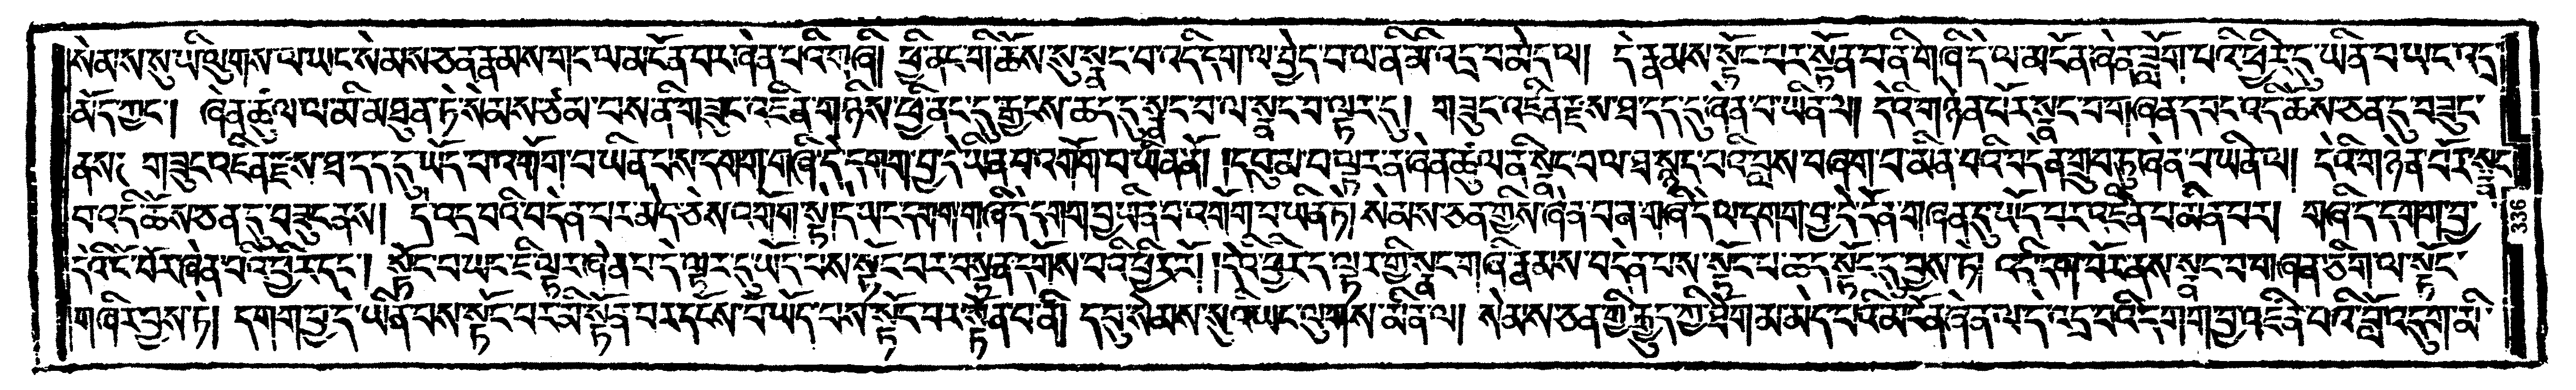སེམས་སུ་ཡི་ལུགས་ལ་ཡང་སེམས་ཅན་རྣམས་གང་ལ་མངོན་པར་ཞེན་པའི་གཞི། ཕྱི་ནང་གི་ཆོས་སུ་སྣང་བ་འདི་དག་ལ་བྱེད་པ་ལ་ནི་མི་འདྲ་བ་མེད་ལ། དེ་རྣམས་སྟོང་པར་སྟོན་པ་ནི་གཞི་དེ་ལ་མངོན་ཞེན་ཟློག་པའི་ཕྱིར་དུ་ཡིན་པ་ཡང་འདྲ་
མོད་ཀྱང་། ཞེན་ཚུལ་ལ་མི་མཐུན་ཏེ་སེམས་ཙམ་པས་ནི་གཟུང་འཛིན་གཉིས་ཕྱི་ནང་དུ་རྒྱངས་ཆད་དུ་སྣང་བ་ལ་སྣང་བ་ལྟར་དུ། གཟུང་འཛིན་རྫས་ཐ་དད་དུ་ཞེན་པ་ཡིན་ལ། དེའི་གཉེན་པོར་སྣང་བ་གཞན་དབང་འདི་ཆོས་ཅན་དུ་བཟུང་
ནས༑ གཟུང་འཛིན་རྫས་ཐ་དད་དུ་ཡོད་པ་འགོག་པ་ཡིན་པས་དགག་གཞི་དེ་དགག་བྱ་དེ་ཡིན་པ་འགོག་པ་ཡིན་ནོ། །དབུ་མ་པ་ལྟར་ན་ཞེན་ཚུལ་ནི་སྣང་བ་ལ་ཐ་སྙད་པའི་བློས་བཞག་པ་མིན་པའི་བདེན་གྲུབ་ཏུ་ཞེན་པ་ཡིན་ལ། དེའི་གཉེན་པོར་སྣང་
བ་འདི་ཆོས་ཅན་དུ་བཟུང་ནས། དེ་འདྲ་བའི་བདེན་པར་མེད་ཅེས་འགོག་སྟེ། དེ་ཡང་དགག་གཞི་དེ་དགག་བྱ་ཡིན་པ་འགོག་པ་ཡིན་ཏེ། སེམས་ཅན་གྱིས་ཞེན་པ་ན་གཞི་དེ་ལ་དགག་བྱ་དེ་དོན་གཞན་དུ་ཡོད་པར་འཛིན་པ་མིན་པར། གཞི་དེ་དགག་བྱ་
དེའི་ངོ་བོར་ཞེན་པའི་ཕྱིར་དང་། སྟོང་པ་ཡང་ཇི་ལྟར་ཞེན་པ་དེ་ལྟར་དུ་ཡོད་པས་སྟོང་པར་བསྟན་དགོས་པའི་ཕྱིར་རོ། །དེའི་ཕྱིར་ད་ལྟར་གྱི་སྣང་གཞི་རྣམས་བདེན་པས་སྟོང་པ་ཆད་སྟོང་དུ་བྱས་ཏེ། འདི་དག་བོར་ནས་སྣང་བ་གཞན་ཅིག་ལ་སྟོང་
གཞིར་བྱས་ཏེ། དགག་བྱ་དེ་ཡིན་པས་སྟོང་པར་མི་སྟོན་པར་དངོས་པོ་ཡོད་པས་སྟོང་པར་སྟོན་པ་ནི། དབུ་སེམས་སུའི་ཡང་ལུགས་མིན་ལ། སེམས་ཅན་གྱི་རྒྱུད་ཀྱི་ཐོག་མ་མེད་པའི་མངོན་ཞེན་ལ་དེ་འདྲ་བའི་དགག་བྱ་འཛིན་པའི་བློ་འདུག་མི་